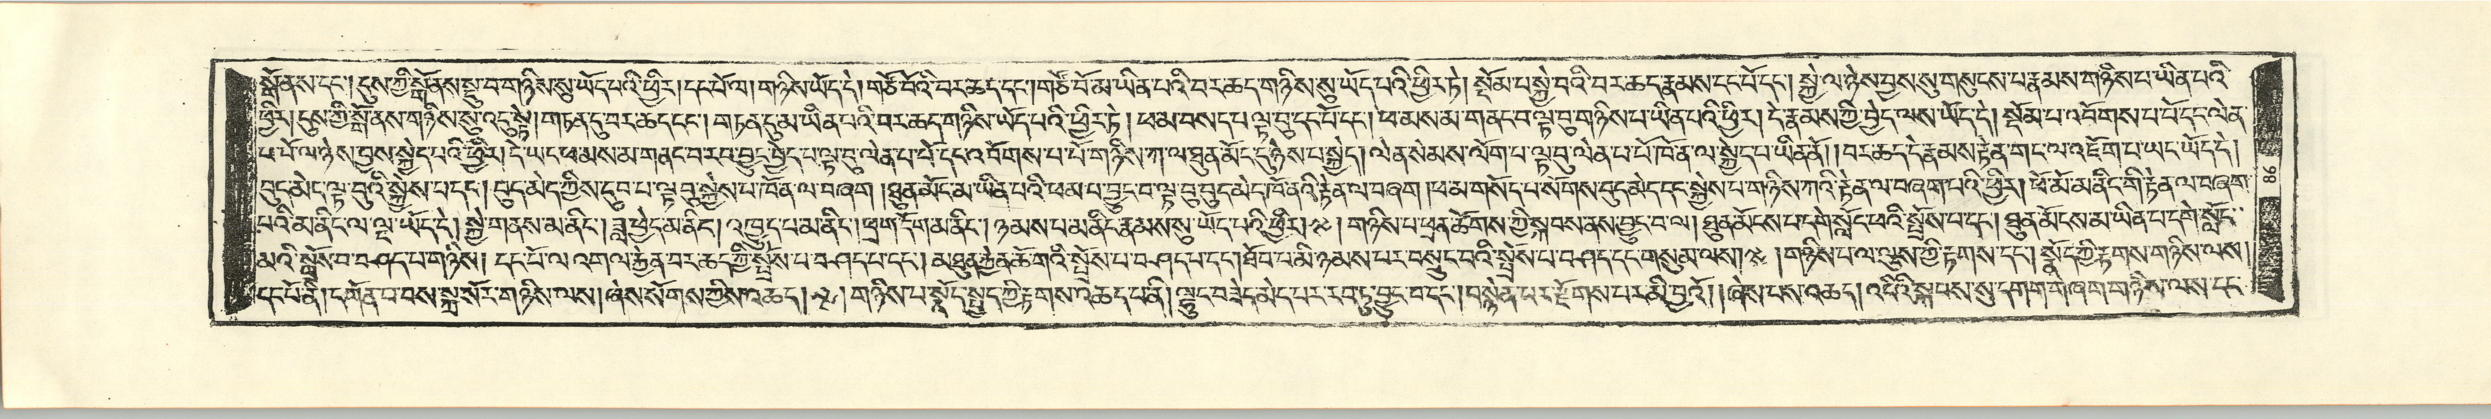སྒོ་ནས་དང་། དུས་ཀྱི་སྒོ་ནས་སྡུ་བ་གཉིས་སུ་ཡོད་པའི་ཕྱིར། དང་པོ་ལ། གཉིས་ཡོད་དེ། གཙོ་བོའི་བར་ཆད་དང་། གཙོ་བོ་མ་ཡིན་པའི་བར་ཆད་གཉིས་སུ་ཡོད་པའི་ཕྱིར་ཏེ། སྡོམ་པ་སྐྱེ་བའི་བར་ཆད་རྣམས་དང་པོ་དང་། སྐྱེ་ལ་ཉེས་བྱས་སུ་གསུངས་པ་རྣམས་གཉིས་པ་ཡིན་པའི་
ཕྱིར། དུས་ཀྱི་སྒོ་ནས་གཉིས་སུ་འདུ་སྟེ། གཏན་དུ་བར་ཆད་དང་། གཏན་དུ་མ་ཡིན་པའི་བར་ཆད་གཉིས་ཡོད་པའི་ཕྱིར་ཏེ། ཕ་མ་བསད་པ་ལྟ་བུ་དང་པོ་དང་། ཕ་མས་མ་གནང་བ་ལྟ་བུ་གཉིས་པ་ཡིན་པའི་ཕྱིར། དེ་རྣམས་ཀྱི་བྱེད་ལས་ཡོད་དེ། སྡོམ་པ་འབོགས་པ་པོ་དང་ལེན་
པ་པོ་ལ་ཉེས་བྱས་སྐྱེད་པའི་ཕྱིར། དེ་ཡང་ཕ་མས་མ་གནང་བ་རབ་བྱུང་བྱེད་པ་ལྟ་བུ་ལེན་པ་པོ་དང་འབོགས་པ་པོ་གཉིས་ཀ་ལ་ཐུན་མོང་དུ་ཉེས་པ་སྐྱེད། ལེན་སེམས་ལོག་པ་ལྟ་བུ་ལེན་པ་པོ་ཁོ་ན་ལ་སྐྱེད་པ་ཡིན་ནོ། །བར་ཆད་དེ་རྣམས་རྟེན་གང་ལ་འཇོག་པ་ཡང་ཡོད་དེ།
བུད་མེད་ལྟ་བུའི་སྐྱེས་པ་དང་། བུད་མེད་ཀྱིས་དུབ་པ་ལྟ་བུ་སྐྱེས་པ་ཁོ་ན་ལ་བཞག །ཐུན་མོང་མ་ཡིན་པའི་ཕམ་པ་བྱུང་བ་ལྟ་བུ་བུད་མེད་ཁོ་ནའི་རྟེན་ལ་བཞག །ཕ་མ་གསོད་པ་སོགས་བུད་མེད་དང་སྐྱེས་པ་གཉིས་ཀའི་རྟེན་ལ་བཞག་པའི་ཕྱིར། ཕོ་མོ་མ་ནིང་གི་རྟེན་ལ་བཞག་
པའི་མ་ནིང་ལ་ལྔ་ཡོད་དེ། སྐྱེ་གནས་མ་ནིང་། ཟླ་ཕྱེད་མ་ནིང་། འཁྱུད་པ་མ་ནིང་། ཕྲག་དོག་མ་ནིང་། ཉམས་པ་མ་ནིང་རྣམས་སུ་ཡོད་པའི་ཕྱིར། །གཉིས་པ་ཕྲན་ཚོགས་ཀྱི་སྐབས་ནས་བྱུང་བ་ལ། ཐུན་མོངས་པ་དགེ་སློང་ཕའི་སྤྲོས་པ་དང་། ཐུན་མོངས་མ་ཡིན་པ་དགེ་སློང་
མའི་སྒྲོས་བ་བཤད་པ་གཉིས། དང་པོ་ལ་འགལ་རྐྱེན་བར་ཆད་ཀྱི་སྤྲོས་པ་བཤད་པ་དང་། མཐུན་རྐྱེན་ཆོ་གའི་སྤྲོས་པ་བཤད་པ་དང་། ཐོབ་པ་མི་ཉམས་པར་བསྲུང་བའི་སྤྲོས་པ་བཤད་དང་གསུམ་ལས། །གཉིས་པ་ལ་ལུས་ཀྱི་རྟགས་དང་། སྣོད་ཀྱི་རྟགས་གཉིས་ལས།
དང་པོ་ནི། དགོན་པ་བས་སྐྲ་སོར་གཉིས་ལས། ཞེས་སོགས་ཀྱིས་འཆད། །གཉིས་པ་སྣོད་སྤྱད་ཀྱི་རྟགས་འཆད་པ་ནི། ལྷུང་བཟེད་མེད་པར་རབ་ཏུ་བྱུང་བ་དང་། བསྙེན་པར་རྫོགས་པར་མི་བྱའོ། །ཞེས་པས་འཆད། འདིའི་སྐབས་སུ་དགག་གཞག་གཉིས་ལས་དང་